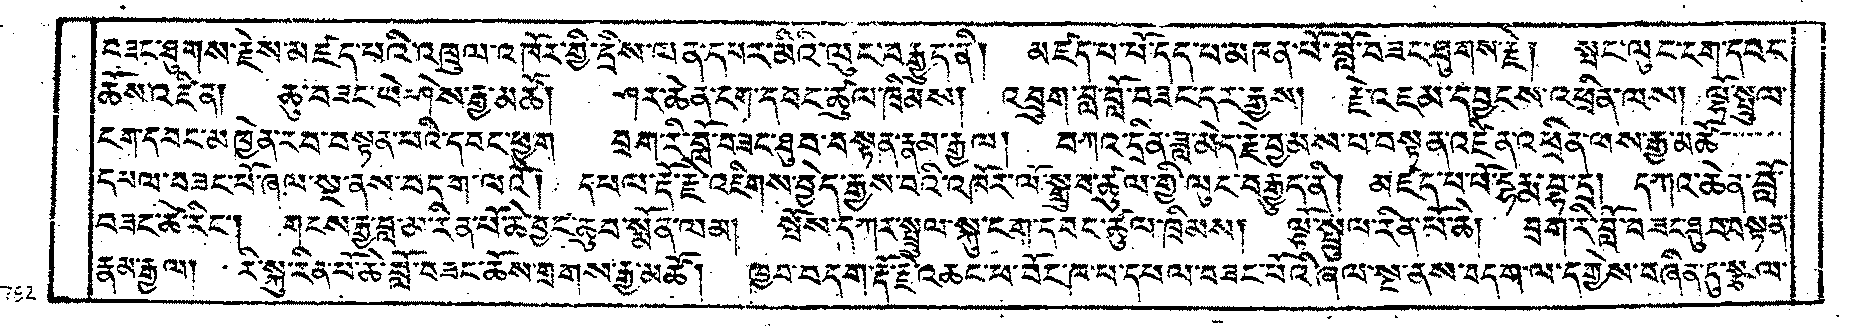བཟང་ཐུགས་རྗེས་མཛད་པའི་འཁྲུལ་འཁོར་གྱི་དྲིས་ལན་དཔར་མིའི་ལུང་བརྒྱུད་ནི། མཛད་པ་པོ་དད་པ་མཁན་པོ་བློ་བཟང་ཐུགས་རྗེ། སྤང་ལུང་ངག་དབང་
ཆོས་འཛིན། ཆུ་བཟང་ཡེ་ཤེས་རྒྱ་མཚོ། ཤར་ཆེན་ངག་དབང་ཚུལ་ཁྲིམས། འབྲུག་བླ་བློ་བཟང་དར་རྒྱས། རྗེ་འཇམ་དབྱངས་འཕྲིན་ལས། ལྷོ་སྤྲུལ་
ངག་དབང་མཁྱེན་རབ་བསྟན་པའི་དབང་ཕྱུག །བྲག་རི་བློ་བཟང་ཐུབ་བསྟན་རྣམ་རྒྱལ། བཀའ་དྲིན་ཟླ་མེད་རྗེ་བྱམས་པ་བསྟན་འཛིན་འཕྲིན་ལས་རྒྱ་མཚོ་
དཔལ་བཟང་པོ་ཞལ་སྔ་ནས་བདག་ལའོ། དཔལ་རྡོ་རྗེ་འཇིགས་བྱེད་རྒྱས་པའི་འཁོར་ལོ་སྒྲུབ་ཚུལ་གྱི་ལུང་བརྒྱུད་ནི། མཛད་པ་པོ་དྷརྨ་བྷ་དྲ། དཀའ་ཆེན་བློ་
བཟང་ཚེ་རིང་། གངས་རྒྱ་བླ་མ་རིན་པོ་ཆེ་བྱང་ཆུབ་སྨོན་ལམ། སྤོས་དཀར་སྤྲུལ་སྐུ་ངག་དབང་ཚུལ་ཁྲིམས། ལྷོ་སྤྲུལ་རིན་པོ་ཆེ། བྲག་རི་བློ་བཟང་ཐུབ་བསྟན་
རྣམ་རྒྱལ། རི་སྐུ་རིན་པོ་ཆེ་བློ་བཟང་ཆོས་གྲགས་རྒྱ་མཚོ། ཁྱབ་བདག་རྡོ་རྗེ་འཆང་ཕ་བོང་ཁ་པ་དཔལ་བཟང་པོའི་ཞལ་སྔ་ནས་བདག་ལ་དགྱེས་བཞིན་དུ་སྩལ་